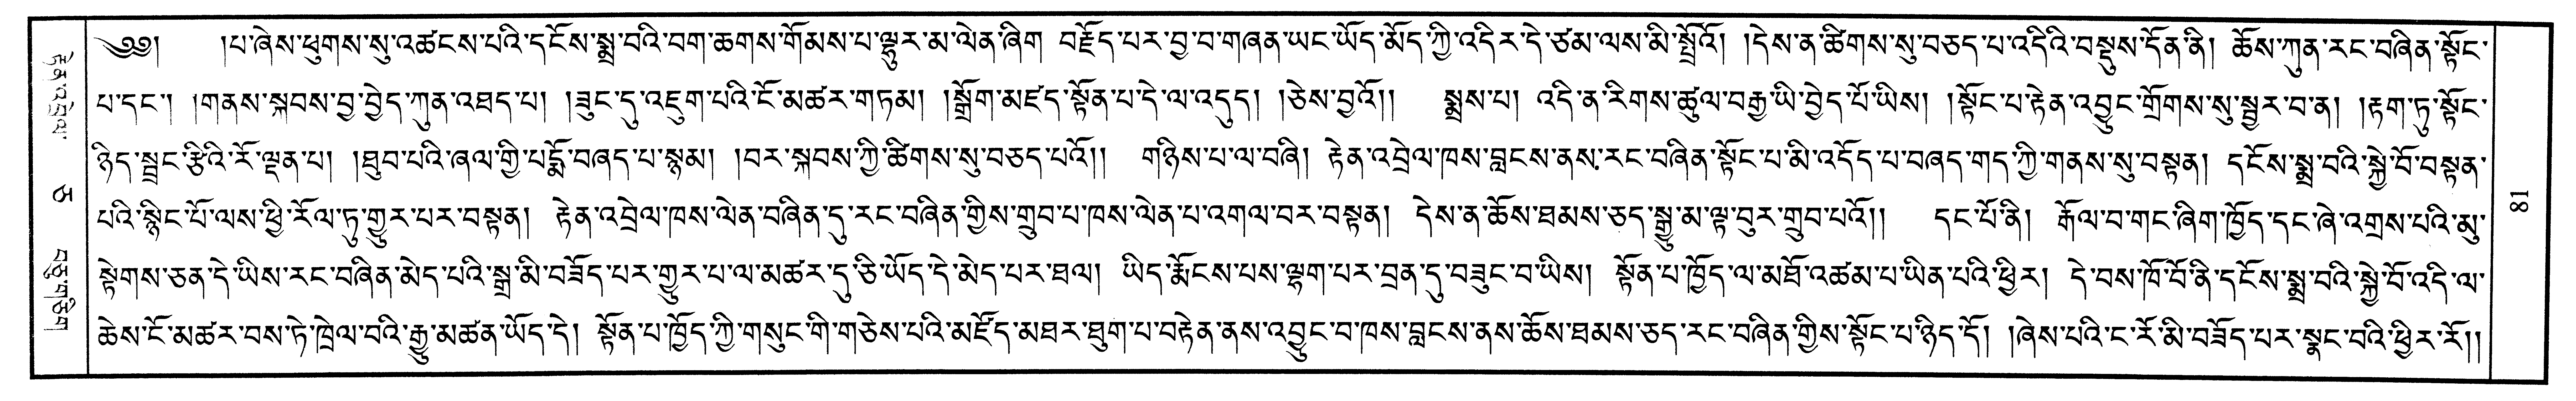༄༅། །པ་ཞེས་ཕུགས་སུ་འཚངས་པའི་དངོས་སྨྲ་བའི་བག་ཆགས་གོམས་པ་ལྷུར་མ་ལེན་ཞིག་བརྗོད་པར་བྱ་བ་གཞན་ཡང་ཡོད་མོད་ཀྱི་འདིར་དེ་ཙམ་ལས་མི་སྤྲོའོ། །དེས་ན་ཚིགས་སུ་བཅད་པ་འདིའི་བསྡུས་དོན་ནི། ཆོས་ཀུན་རང་བཞིན་སྟོང་
པ་དང་། །གནས་སྐབས་བྱ་བྱེད་ཀུན་འཐད་པ། །ཟུང་དུ་འཇུག་པའི་ངོ་མཚར་གཏམ། །སྒྲོག་མཛད་སྟོན་པ་དེ་ལ་འདུད། །ཅེས་བྱའོ།། སྨྲས་པ། འདི་ན་རིགས་ཚུལ་བརྒྱ་ཡི་བྱེད་པོ་ཡིས། །སྟོང་པ་རྟེན་འབྱུང་གྲོགས་སུ་སྦྱར་བ་ན། །རྟག་ཏུ་སྟོང་
ཉིད་སྦྲང་རྩིའི་རོ་ལྡན་པ། །ཐུབ་པའི་ཞལ་གྱི་པདམོ་བཞད་པ་སྙམ། །བར་སྐབས་ཀྱི་ཚིགས་སུ་བཅད་པའོ།། གཉིས་པ་ལ་བཞི། རྟེན་འབྲེལ་ཁས་བླངས་ནས་རང་བཞིན་སྟོང་པ་མི་འདོད་པ་བཞད་གད་ཀྱི་གནས་སུ་བསྟན། དངོས་སྨྲ་བའི་སྐྱེ་བོ་བསྟན་
པའི་སྙིང་པོ་ལས་ཕྱི་རོལ་ཏུ་གྱུར་པར་བསྟན། རྟེན་འབྲེལ་ཁས་ལེན་བཞིན་དུ་རང་བཞིན་གྱིས་གྲུབ་པ་ཁས་ལེན་པ་འགལ་བར་བསྟན། དེས་ན་ཆོས་ཐམས་ཅད་སྒྱུ་མ་ལྟ་བུར་གྲུབ་པའོ།། དང་པོ་ནི། རྒོལ་བ་གང་ཞིག་ཁྱོད་དང་ཞེ་འགྲས་པའི་མུ་
སྟེགས་ཅན་དེ་ཡིས་རང་བཞིན་མེད་པའི་སྒྲ་མི་བཟོད་པར་གྱུར་པ་ལ་མཚར་དུ་ཅི་ཡོད་དེ་མེད་པར་ཐལ། ཡིད་རྨོངས་པས་ལྷག་པར་བྲན་དུ་བཟུང་བ་ཡིས། སྟོན་པ་ཁྱོད་ལ་མཐོ་འཚམ་པ་ཡིན་པའི་ཕྱིར། དེ་བས་ཁོ་བོ་ནི་དངོས་སྨྲ་བའི་སྐྱེ་བོ་འདི་ལ་
ཆེས་ངོ་མཚར་བས་ཏེ་ཁྲེལ་བའི་རྒྱུ་མཚན་ཡོད་དེ། སྟོན་པ་ཁྱོད་ཀྱི་གསུང་གི་གཅེས་པའི་མཛོད་མཐར་ཐུག་པ་བརྟེན་ནས་འབྱུང་བ་ཁས་བླངས་ནས་ཆོས་ཐམས་ཅད་རང་བཞིན་གྱིས་སྟོང་པ་ཉིད་དོ། །ཞེས་པའི་ང་རོ་མི་བཟོད་པར་སྣང་བའི་ཕྱིར་རོ།།